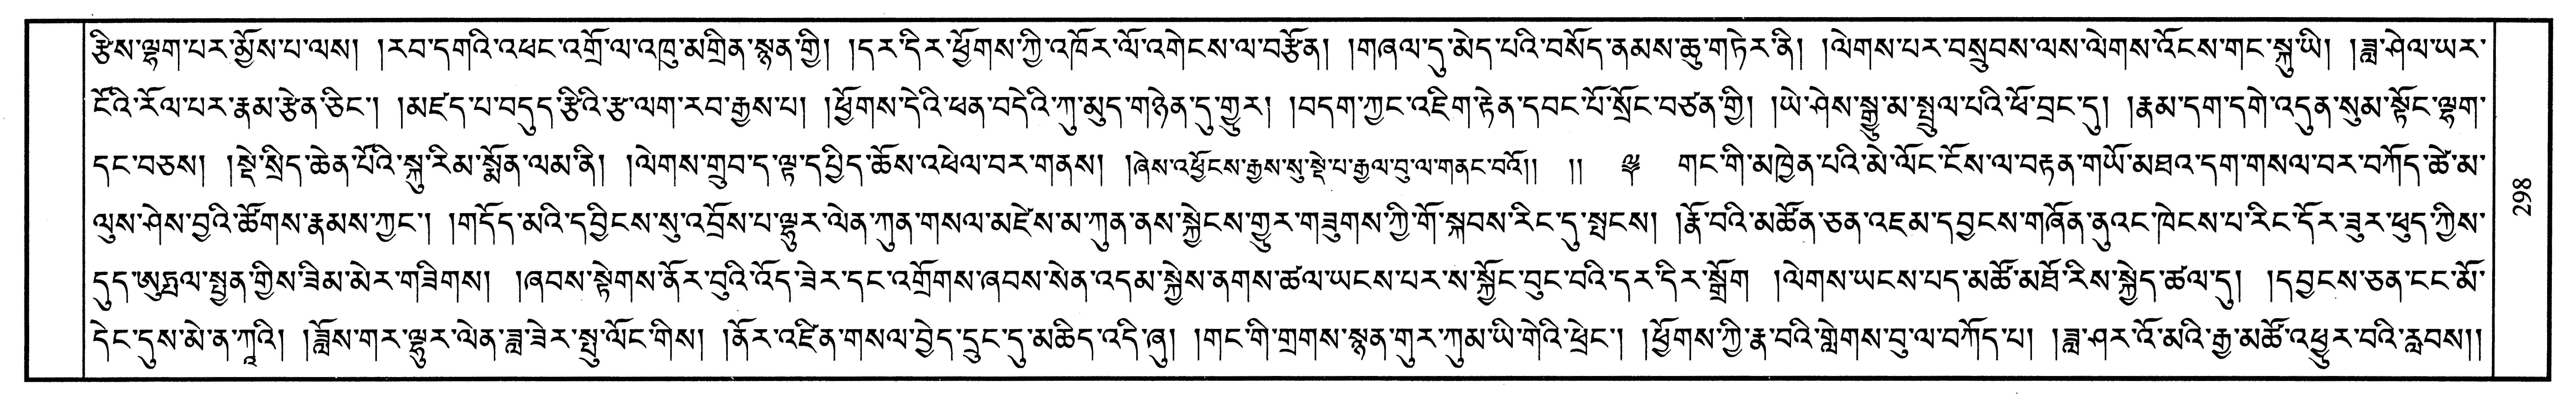རྩིས་ལྷག་པར་མྱོས་པ་ལས། །རབ་དགའི་འཕང་འགྲོ་ལ་འཁུ་མགྲིན་སྙན་གྱི། །དར་དིར་ཕྱོགས་ཀྱི་འཁོར་ལོ་འགེངས་ལ་བརྩོན། །གཞལ་དུ་མེད་པའི་བསོད་ནམས་ཆུ་གཏེར་ནི། །ལེགས་པར་བསྲུབས་ལས་ལེགས་འོངས་གང་སྐུ་ཡི། །ཟླ་ཤེལ་ཡར་
ངོའི་རོལ་པར་རྣམ་རྩེན་ཅིང་། །མཛད་པ་བདུད་རྩིའི་རྩ་ལག་རབ་རྒྱས་པ། །ཕྱོགས་དེའི་ཕན་བདེའི་ཀུ་མུད་གཉེན་དུ་གྱུར། །བདག་ཀྱང་འཇིག་རྟེན་དབང་པོ་སྲོང་བཙན་གྱི། །ཡེ་ཤེས་སྒྱུ་མ་སྤྲུལ་པའི་ཕོ་བྲང་དུ། །རྣམ་དག་དགེ་འདུན་སུམ་སྟོང་ལྷག་
དང་བཅས། །སྡེ་སྲིད་ཆེན་པོའི་སྐུ་རིམ་སྨོན་ལམ་ནི། །ལེགས་གྲུབ་ད་ལྟ་དཔྱིད་ཆོས་འཕེལ་བར་གནས། །ཞེས་འཕྱོངས་རྒྱས་སུ་སྡེ་པ་རྒྱལ་བུ་ལ་གནང་བའོ།། །། ༈ གང་གི་མཁྱེན་པའི་མེ་ལོང་ངོས་ལ་བརྟན་གཡོ་མཐའ་དག་གསལ་བར་བཀོད་ཚེ་མ་
ལུས་ཤེས་བྱའི་ཚོགས་རྣམས་ཀྱང་། །གདོད་མའི་དབྱིངས་སུ་འབྲོས་པ་ལྷུར་ལེན་ཀུན་གསལ་མཛེས་མ་ཀུན་ནས་སྐྱེངས་གྱུར་གཟུགས་ཀྱི་གོ་སྐབས་རིང་དུ་སྤངས། །རྣོ་བའི་མཚོན་ཅན་འཇམ་དབྱངས་གཞོན་ནུའང་ཁེངས་པ་རིང་དོར་ཟུར་ཕུད་ཀྱིས་
དུད་ཨུཏྤལ་སྤྱན་གྱིས་ཟིམ་མེར་གཟིགས། །ཞབས་སྟེགས་ནོར་བུའི་འོད་ཟེར་དང་འགྲོགས་ཞབས་སེན་འདམ་སྐྱེས་ནགས་ཚལ་ཡངས་པར་ས་སྐྱོང་བུང་བའི་དར་དིར་སྒྲོག །ལེགས་ཡངས་པད་མཚོ་མཐོ་རིས་སྐྱེད་ཚལ་དུ། །དབྱངས་ཅན་ངང་མོ་
དེང་དུས་མེ་ན་ཀཱའི། །ཟློས་གར་ལྷུར་ལེན་ཟླ་ཟེར་སྤུ་ལོང་གིས། །ནོར་འཛིན་གསལ་བྱེད་དྲུང་དུ་མཆིད་འདི་ཞུ། །གང་གི་གྲགས་སྙན་གུར་ཀུམ་ཡི་གེའི་ཕྲེང་། །ཕྱོགས་ཀྱི་རྣ་བའི་གླེགས་བུ་ལ་བཀོད་པ། །ཟླ་ཤར་འོ་མའི་རྒྱ་མཚོ་འཕྱུར་བའི་རླབས།།